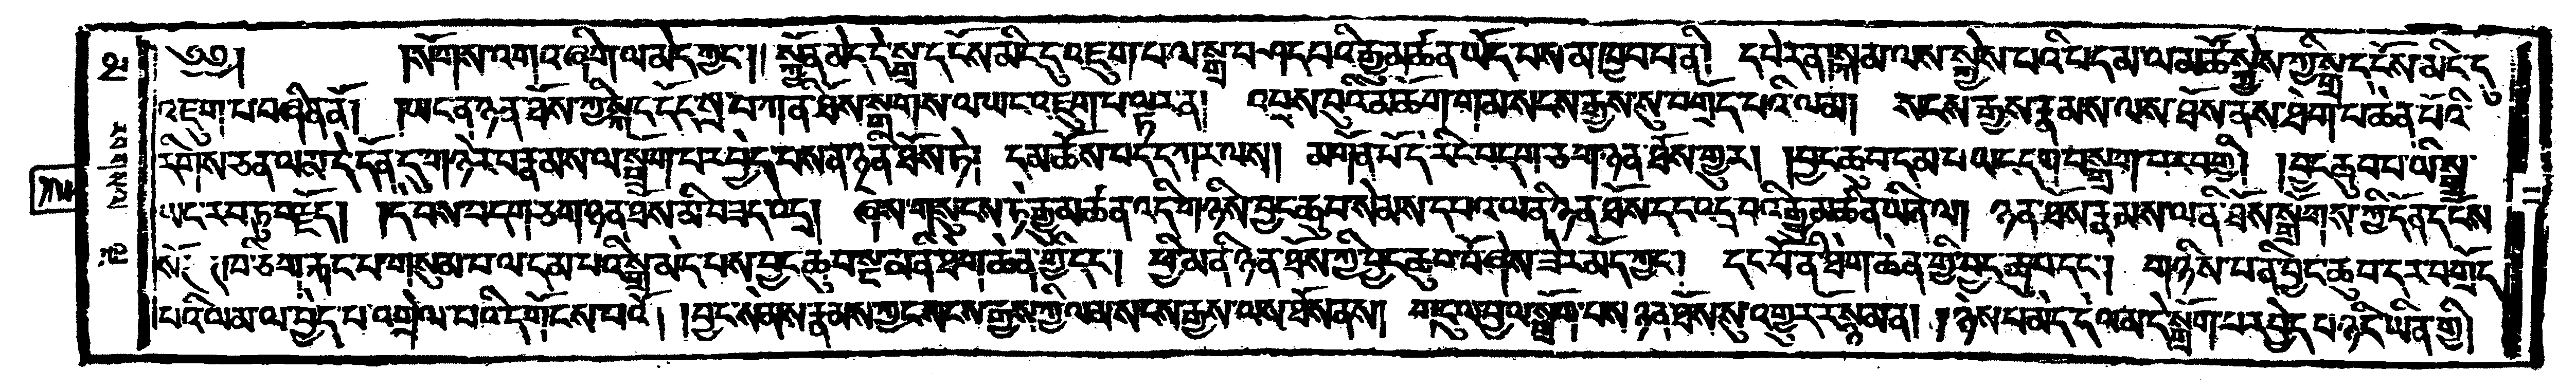༄༅། །སོགས་འགའ་ཞིག་ལ་མེད་ཀྱང་། སྐྱོན་མེད་དེ་སྒྲ་དངོས་མིང་དུ་འཇུག་པ་ལ་སྒྲ་བཤད་པའི་རྒྱུ་མཚན་ཡོད་པས་མ་ཁྱབ་པ་ནི། དཔེར་ན། སྐམ་ལས་སྐྱེས་པའི་པད་མ་ལ་མཚོ་སྐྱེས་ཀྱི་སྒྲ་དངོས་མིང་དུ་
འཇུག་པ་བཞིན་ནོ། །ཡང་ན་ཉན་ཐོས་ཀྱི་སྐད་དོད་སྲ་བ་ཀ་ནི་ཐོས་སྒྲོགས་ལ་ཡང་འཇུག་པ་ལྟར་ན། འབྲས་བུའི་མཆོག་གམ་སངས་རྒྱས་སུ་བགྲོད་པའི་ལམ། སངས་རྒྱས་རྣམས་ལས་ཐོས་ནས་ཐེག་པ་ཆེན་པོའི་
རིགས་ཅན་ལམ་དེ་དོན་དུ་གཉེར་བ་རྣམས་ལ་སྒྲོག་པར་བྱེད་པས་ན་ཉན་ཐོས་ཏེ། དམ་ཆོས་པད་དཀར་ལས། མགོན་པོ་དེ་རིང་བདག་ཅག་ཉན་ཐོས་གྱུར། །བྱང་ཆུབ་དམ་པ་ཡང་དག་བསྒྲག་པར་བགྱི། །བྱང་ཆུབ་པ་ཡི་སྒྲ་
ཡང་རབ་ཏུ་བརྗོད། །དེ་བས་བདག་ཅག་ཉན་ཐོས་མི་བཟད་འདྲ། ཞེས་གསུངས་ཏེ་རྒྱུ་མཚན་འདི་གཉིས་བྱང་ཆུབ་སེམས་དཔའ་ལ་ནི་ཉན་ཐོས་དང་འདྲ་བའི་རྒྱུ་མཚན་ཡིན་ལ། ཉན་ཐོས་རྣམས་ལ་ནི་ཐོས་སྒྲོགས་ཀྱི་དོན་དངོས་
སོ༑ ༑ཁ་ཅིག་རྐང་པ་གསུམ་པ་ལ་དམ་པའི་སྒྲ་མེད་པས་བྱང་ཆུབ་སྔ་མ་ནི་ཐེག་ཆེན་གྱི་དང་། ཕྱི་མ་ནི་ཉན་ཐོས་ཀྱི་བྱང་ཆུབ་བ་ཞེས་ཟེར་མོད་ཀྱང་། དང་པོ་ནི་ཐེག་ཆེན་གྱི་བྱང་ཆུབ་དང་། གཉིས་པ་ནི་བྱང་ཆུབ་དེར་བགྲོད་
པའི་ལམ་ལ་བྱེད་པ་འགྲེལ་པའི་དགོངས་པའོ། །བྱང་སེམས་རྣམས་ཀྱང་སངས་རྒྱས་ཀྱི་ལམ་སངས་རྒྱས་ལས་ཐོས་ནས། གདུལ་བྱ་ལ་སྒྲོག་པས་ཉན་ཐོས་སུ་འགྱུར་རོ་སྙམ་ན། ཉེས་པ་མེད་དེ་ལམ་དེ་སྒྲོག་པ་བྱེད་པ་ཉིད་ཡིན་གྱི།